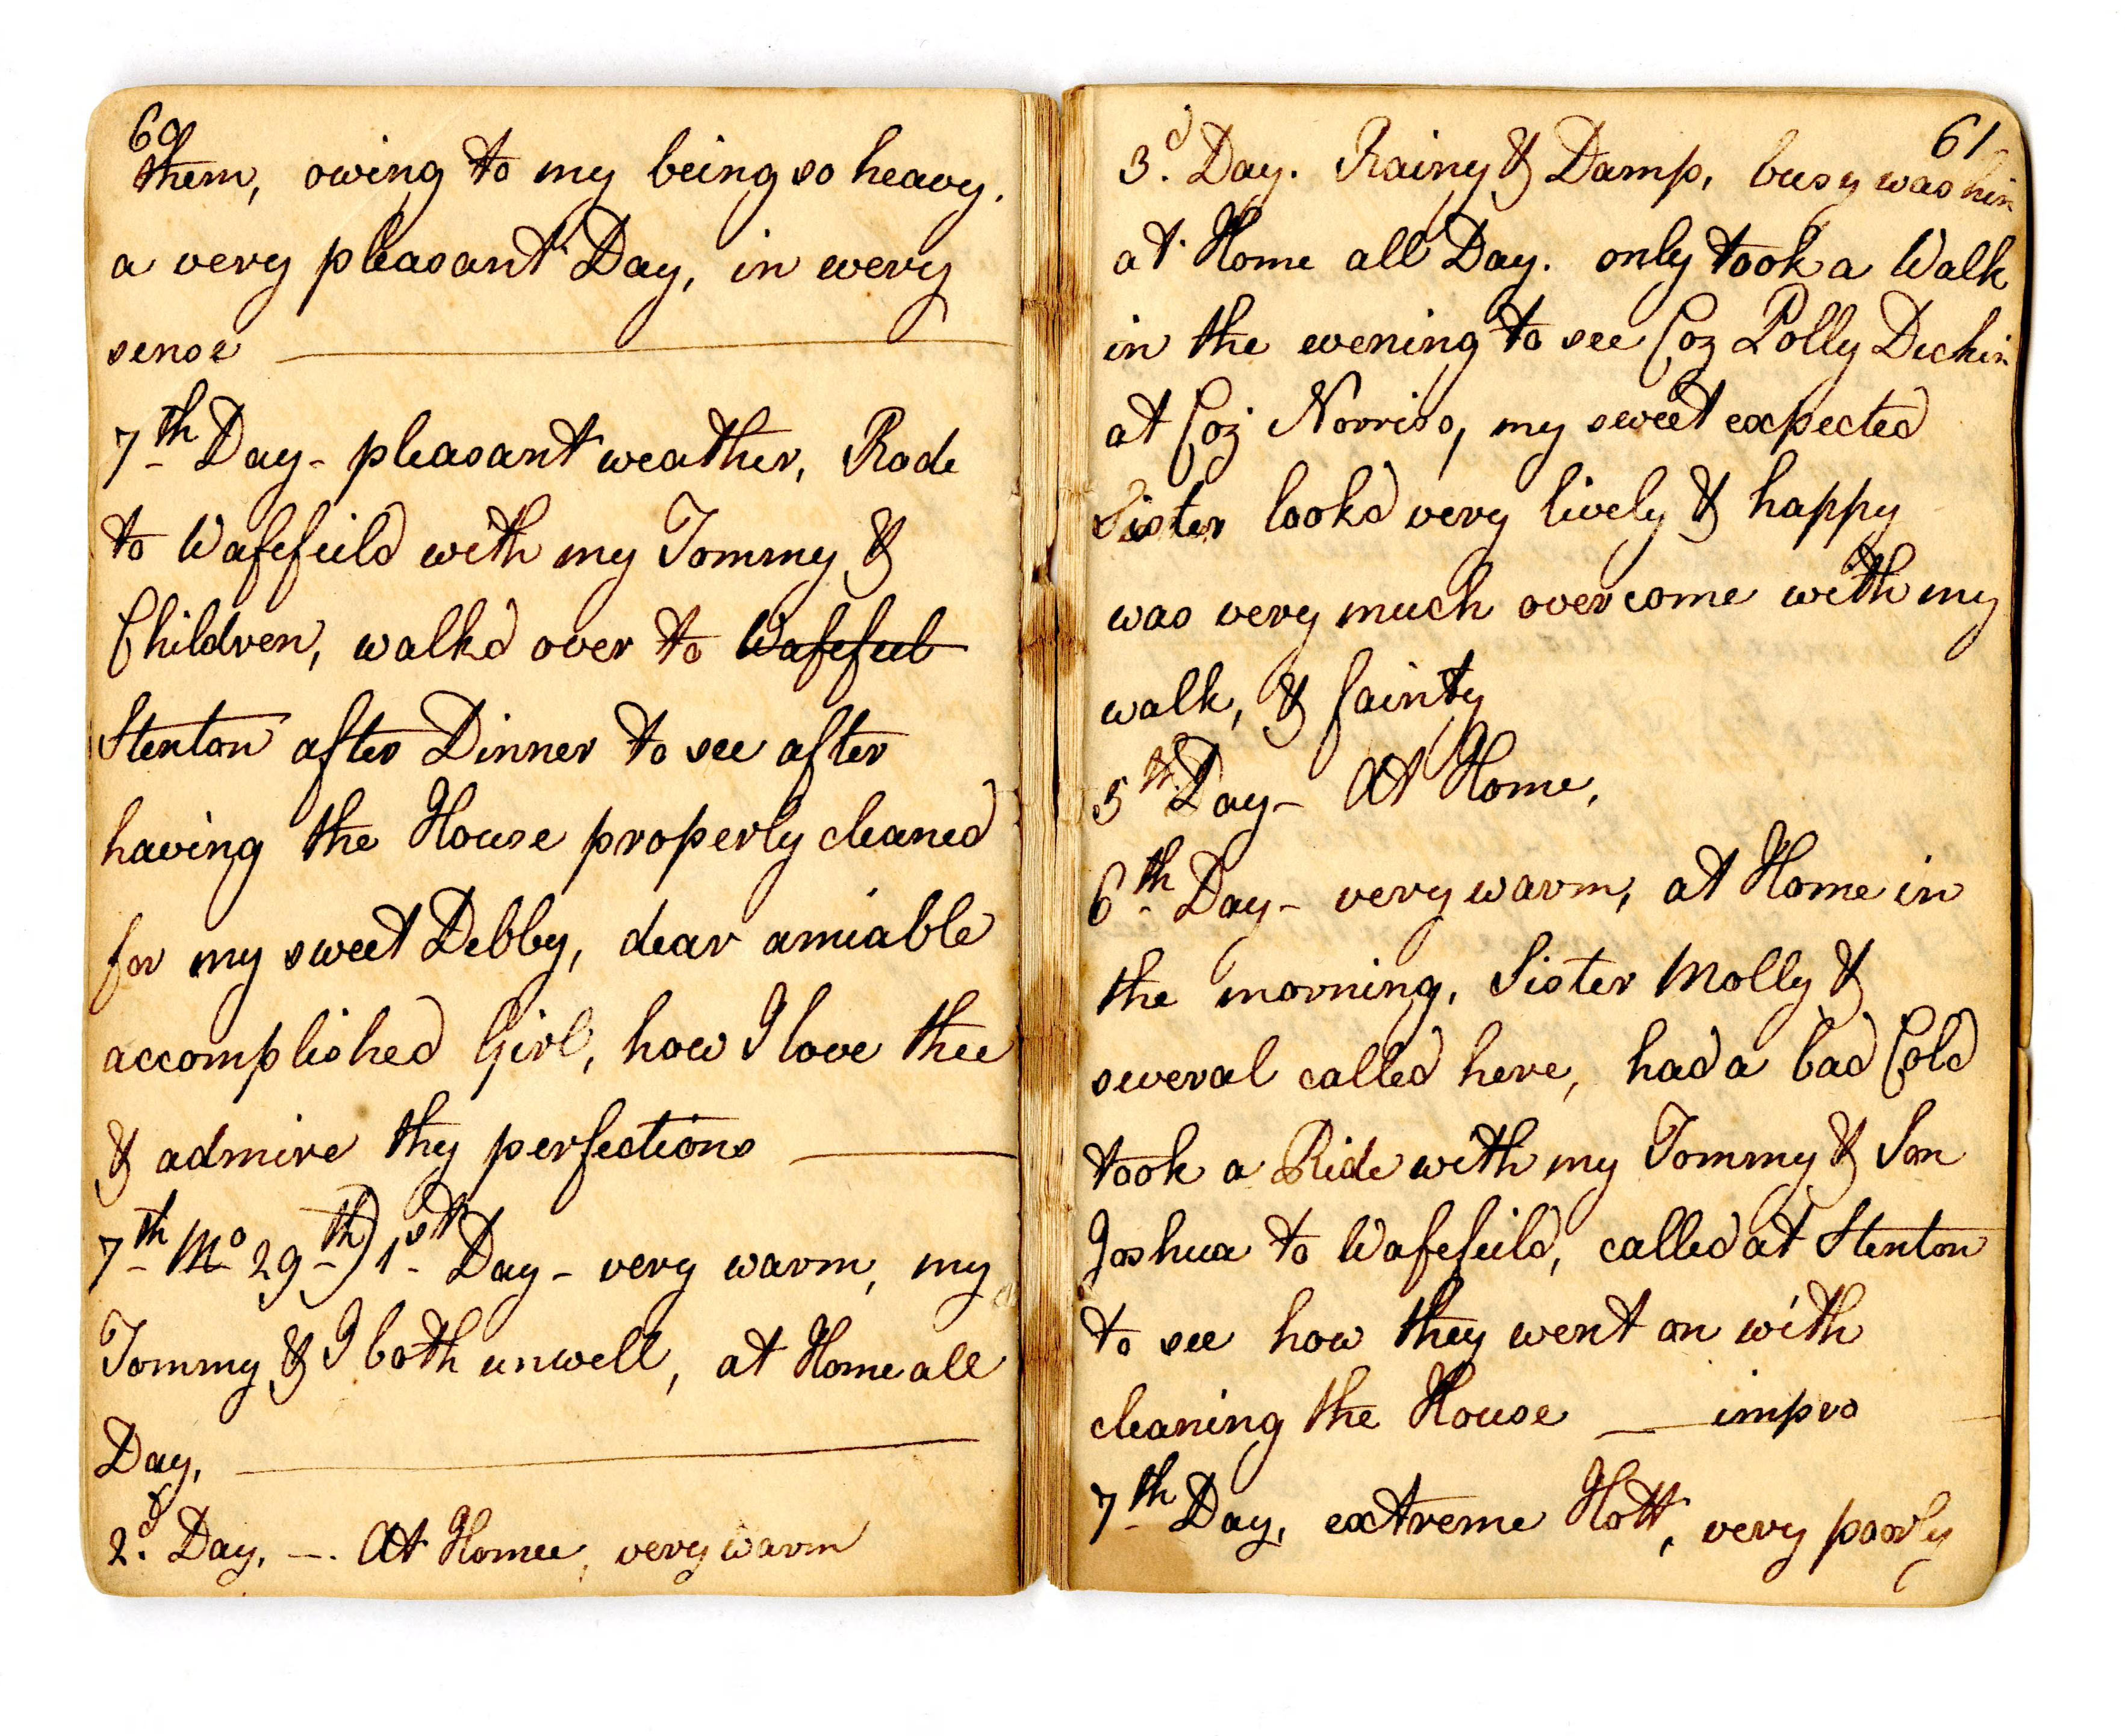them, owing to my being so heavy.
a very pleasant Day, in every
sense
7^th Day- pleasant weather, Rode
to Wafefeild with my Tommy &
Children, walkd over to [Wafefeel]
Stenton after Dinner to see after
having the House properly cleaned
for my sweet Debby, dear amiable
accomplished Girl, how I love thee
& admire thy perfections
7^th M^o 29^th) 1^st Day- very warm, my
Tommy & I both unwell, at Home all
Day,
2^d. Day,- At Homee, very warm
3^d. Day. Rainy & Damp, busy was hin
at Home all Day. only took a Walk
in the evening to see Coz Polly Dickin
at Coz. Norris s, my sweet expected
Sister lookd very lively & happy
was very much over come with my
walk, & fainty
5^th Day- At Home,
6^th Day- very warm, at Home in
the morning, Sister Molly &
several called here, had a bad Cold
took a Ride with my Tommy & Son
Joshua to Wafefeild, called at Stenton
to see how they went on with
cleaning the House- impro
7^th Day, extreme Hott, very poorly